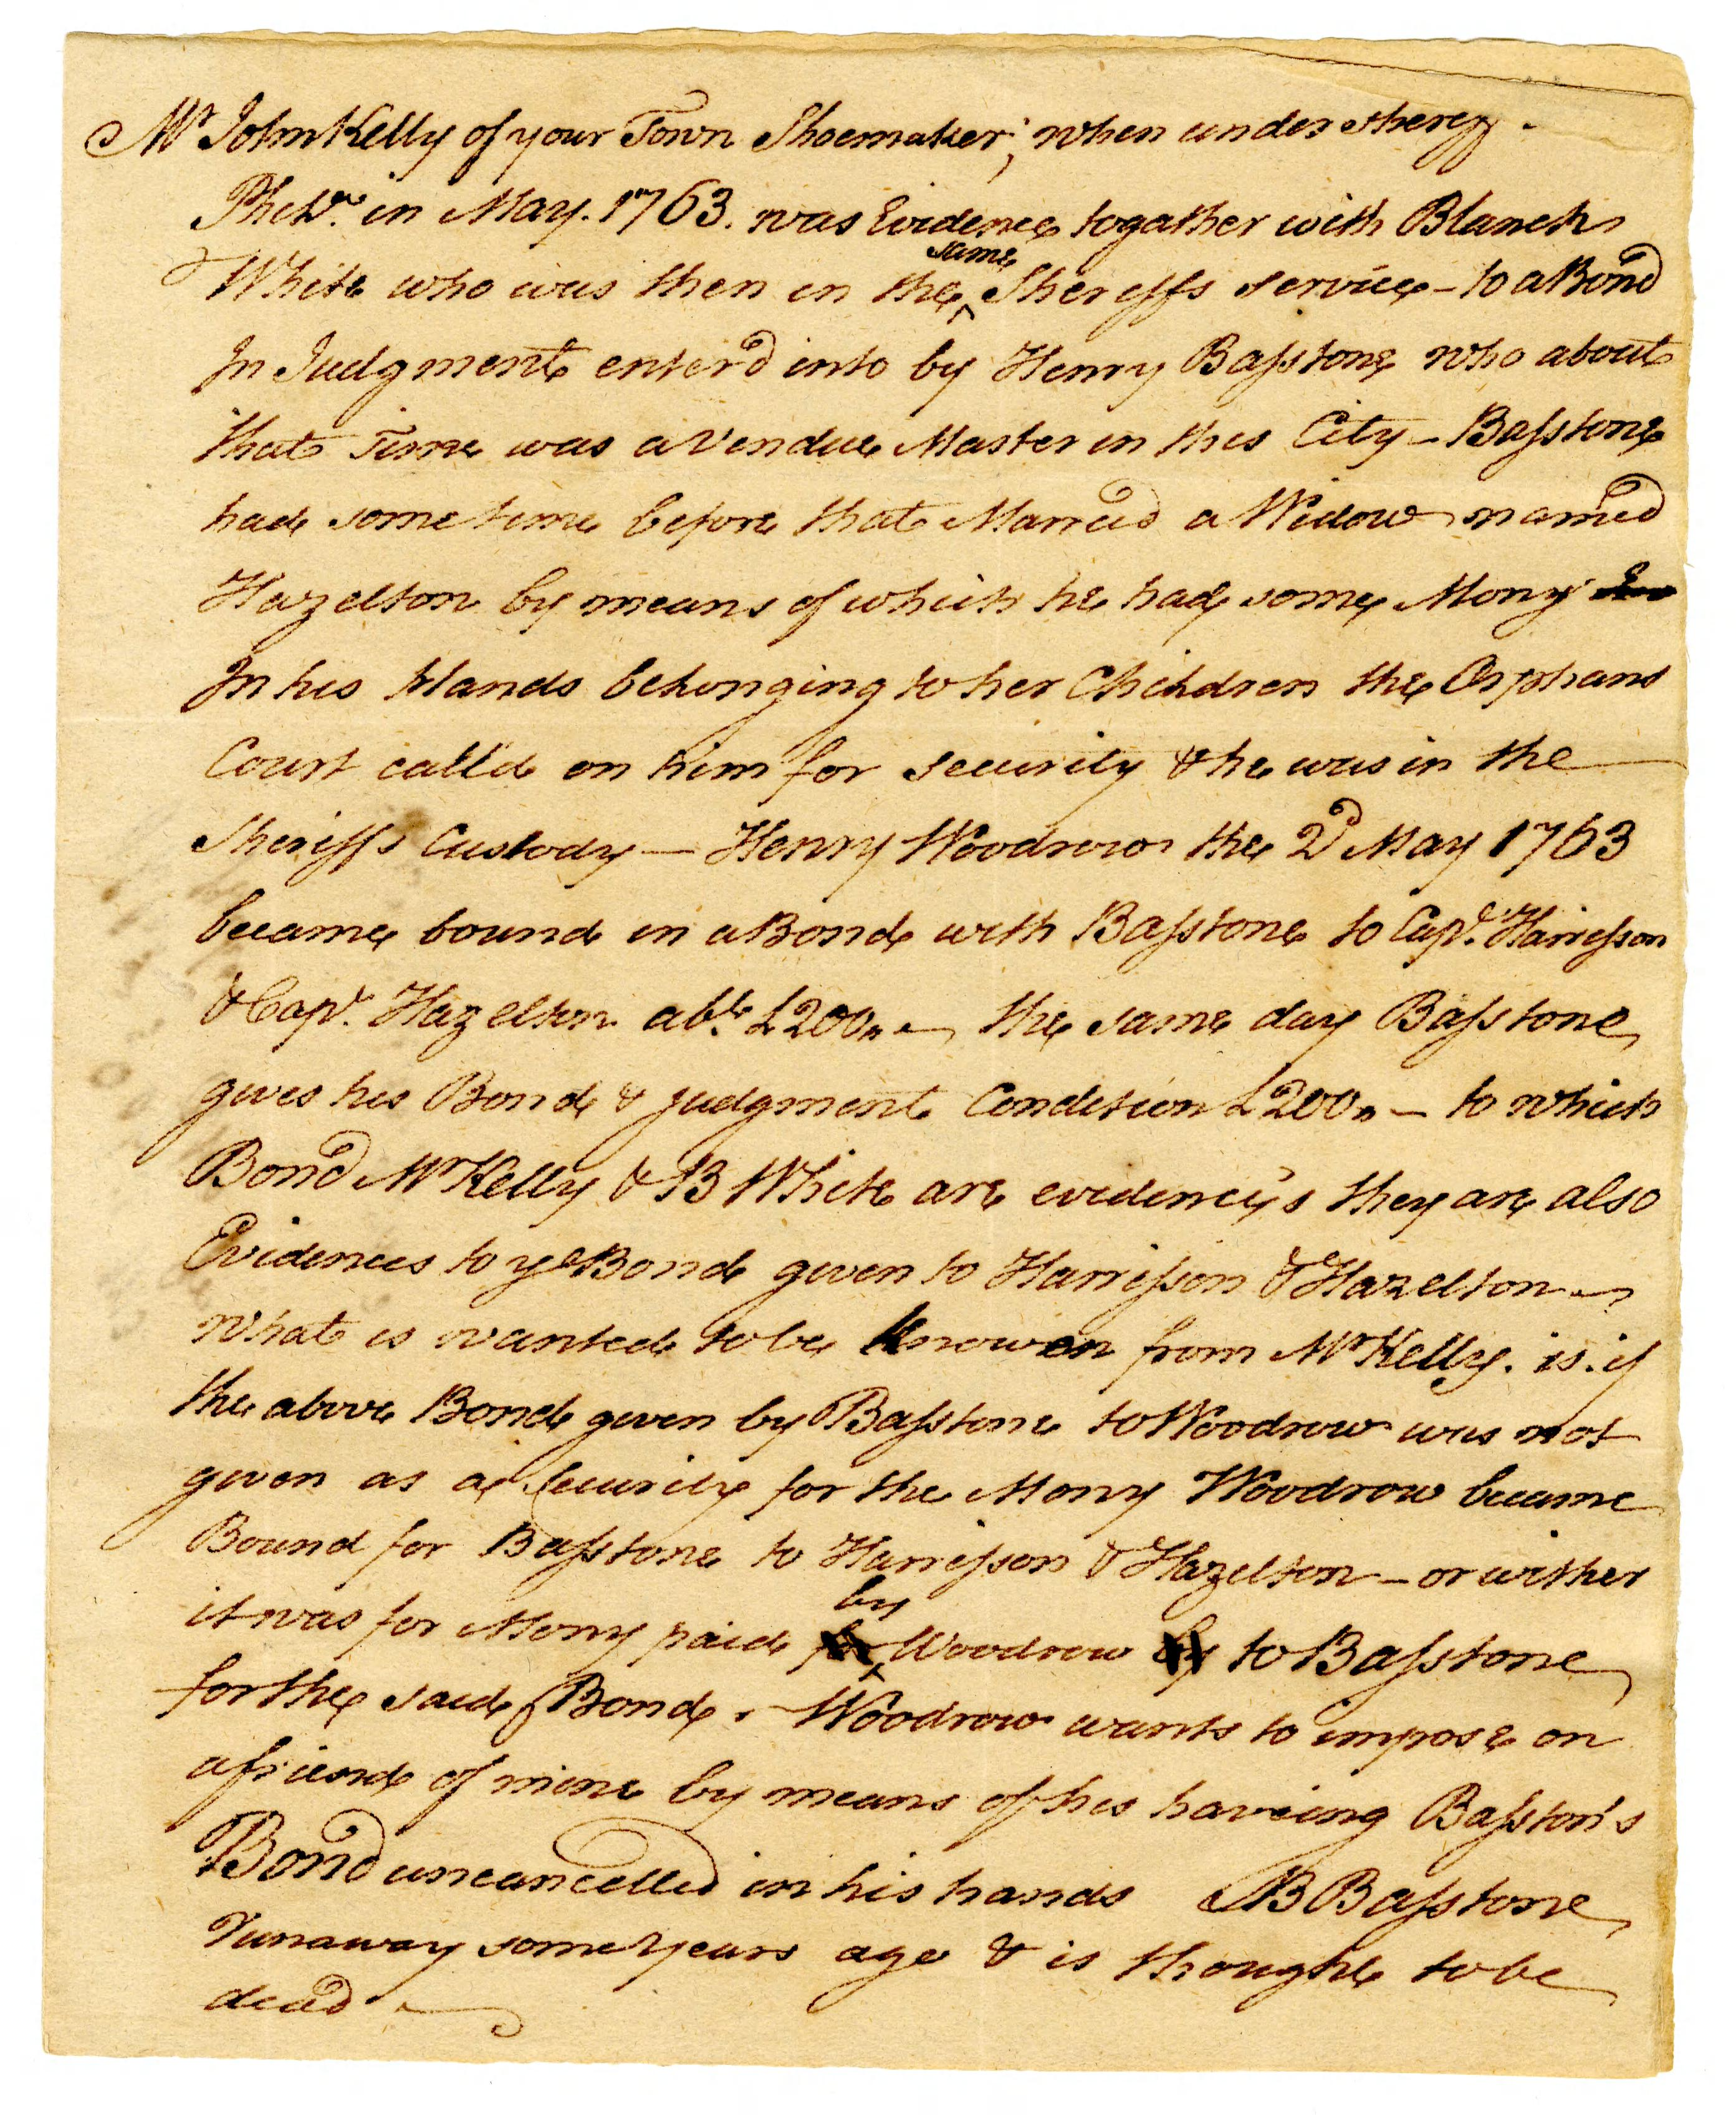M^r John Kelly of your Town Shoemaker; when under there
Phil^a. in May 1763. was Evidence together with Blanch
White who was then in the ^ Sheriffs service- to attend
same
In Judgment enter'd into by Henry Basstone who about
that time was a Vendue Master in this City- Basstone
had some time before that Married a Widow named
Hazelton by means of which he had some Mony [__]
In his Hands belonging to her Children the Orphans
Court called on him for security per he was in the
Sheriffs Custody. Henry Woodrow the 2^d May 1763
became bound in a Bond with Basstone to Cap^t. Harrisson
& Cap^t. Hazelton ab^t. £220. the same day Basstone
gives his Bond & judgment Condition £200- to which
Bond M^r Kelly & 13 Which are evidence's they are also
Evidences to y^e Bond given to Harrisson & Hazelton
What is wanted to be known from M^r Kelly, is it
the above Bond given by Basstone to Woodrow was not
given as a Security for the Mony Woodrow became
Bound for Basstone to Harrison & Hazelton or wither
it was for Mony paid [for] ^ Woodrow [by] to Basstone
has
for the said Bond. Woodrow wants to impose on
a friend of mine by means of his having Basston's
Bond uncancelled in his hands B.Basstone
runaway some years ago & is thought to be
dead.